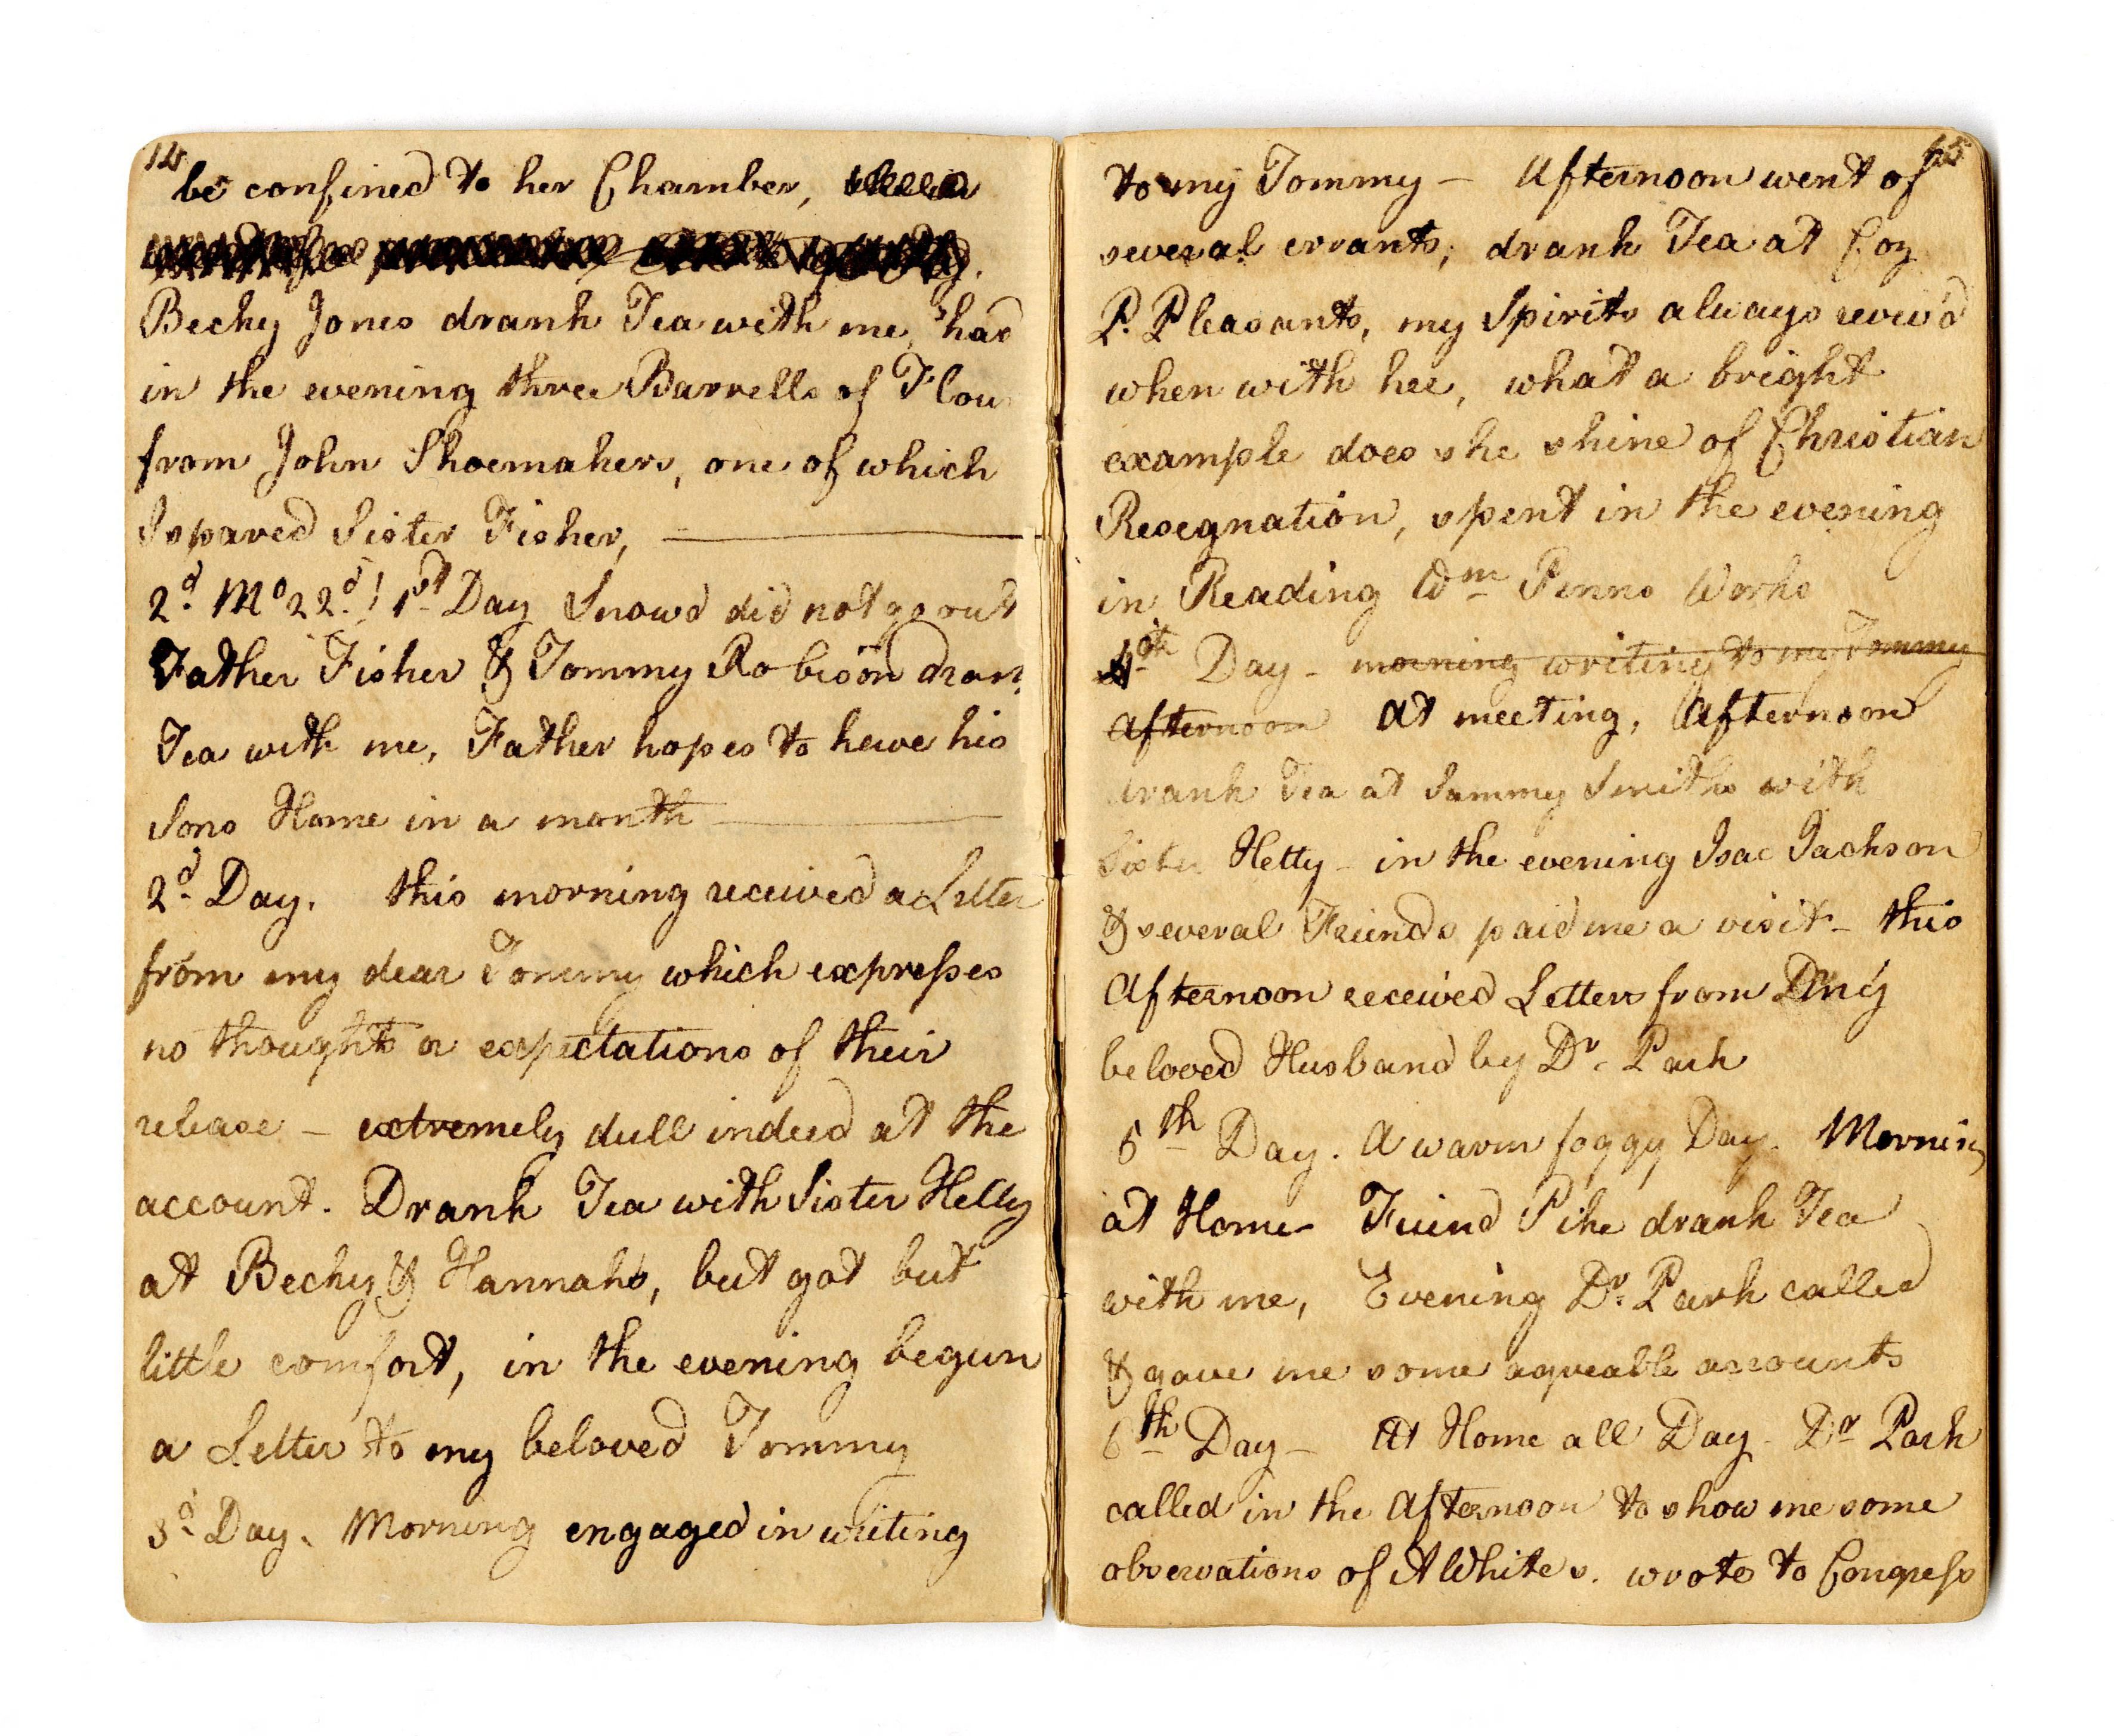14
be confined to her Chamber, [_____]
[____________________________]
Becky Jones drank Tea with me, had
in the evening three Barrells of Flour
from John Shoemakers, one of which
I spared Sister Fisher,
2^d M^o 22^d ) 1^st Day Snowd did not of out
Father Fisher & Tommy Robison dran
Tea with me, Father hopes to have his
Sons Home in a month-
2^d. Day. this morning received a Letter
from my dear Tommy which expresses
no thoughts or expectations of their
release- extremely dull indeed at the
account. Drank Tea with Sister Hetty
at Becky & Hannahs, but got but
little comfort, in the evening begun
a Letter to my beloved Tommy
3^d. Day. Morning engaged in writing
15
to my Tommy- Afternoon went of
several errants, drank Tea at Coz
P. Pleasants, my Spirits always reviv'd
when with her, what a bright
example does she shine of Christian
Resegnation, spent in the evening
in Reading W^m Penns Works
4^th Day- morning writing to my Tommy
Afternoon, At meeting, Afternoon
drank Tea at Sammy Smiths with
Sister Hetty- in the evening Isac Jackson
& several Friends paid me a visit- this
Afternoon received Letters from [Dny]
beloved Husband by D^r- Park
5^th Day. A warm foggy Day- Morning
at Homes Friend Pike drank Tea
with me, Evening D^r. Park called
& gave me some agreable accounts
6^th Day- At Home all Day- D^r Park
called in the Afternoon to show me some
observations of A Whites. wrote to Congress